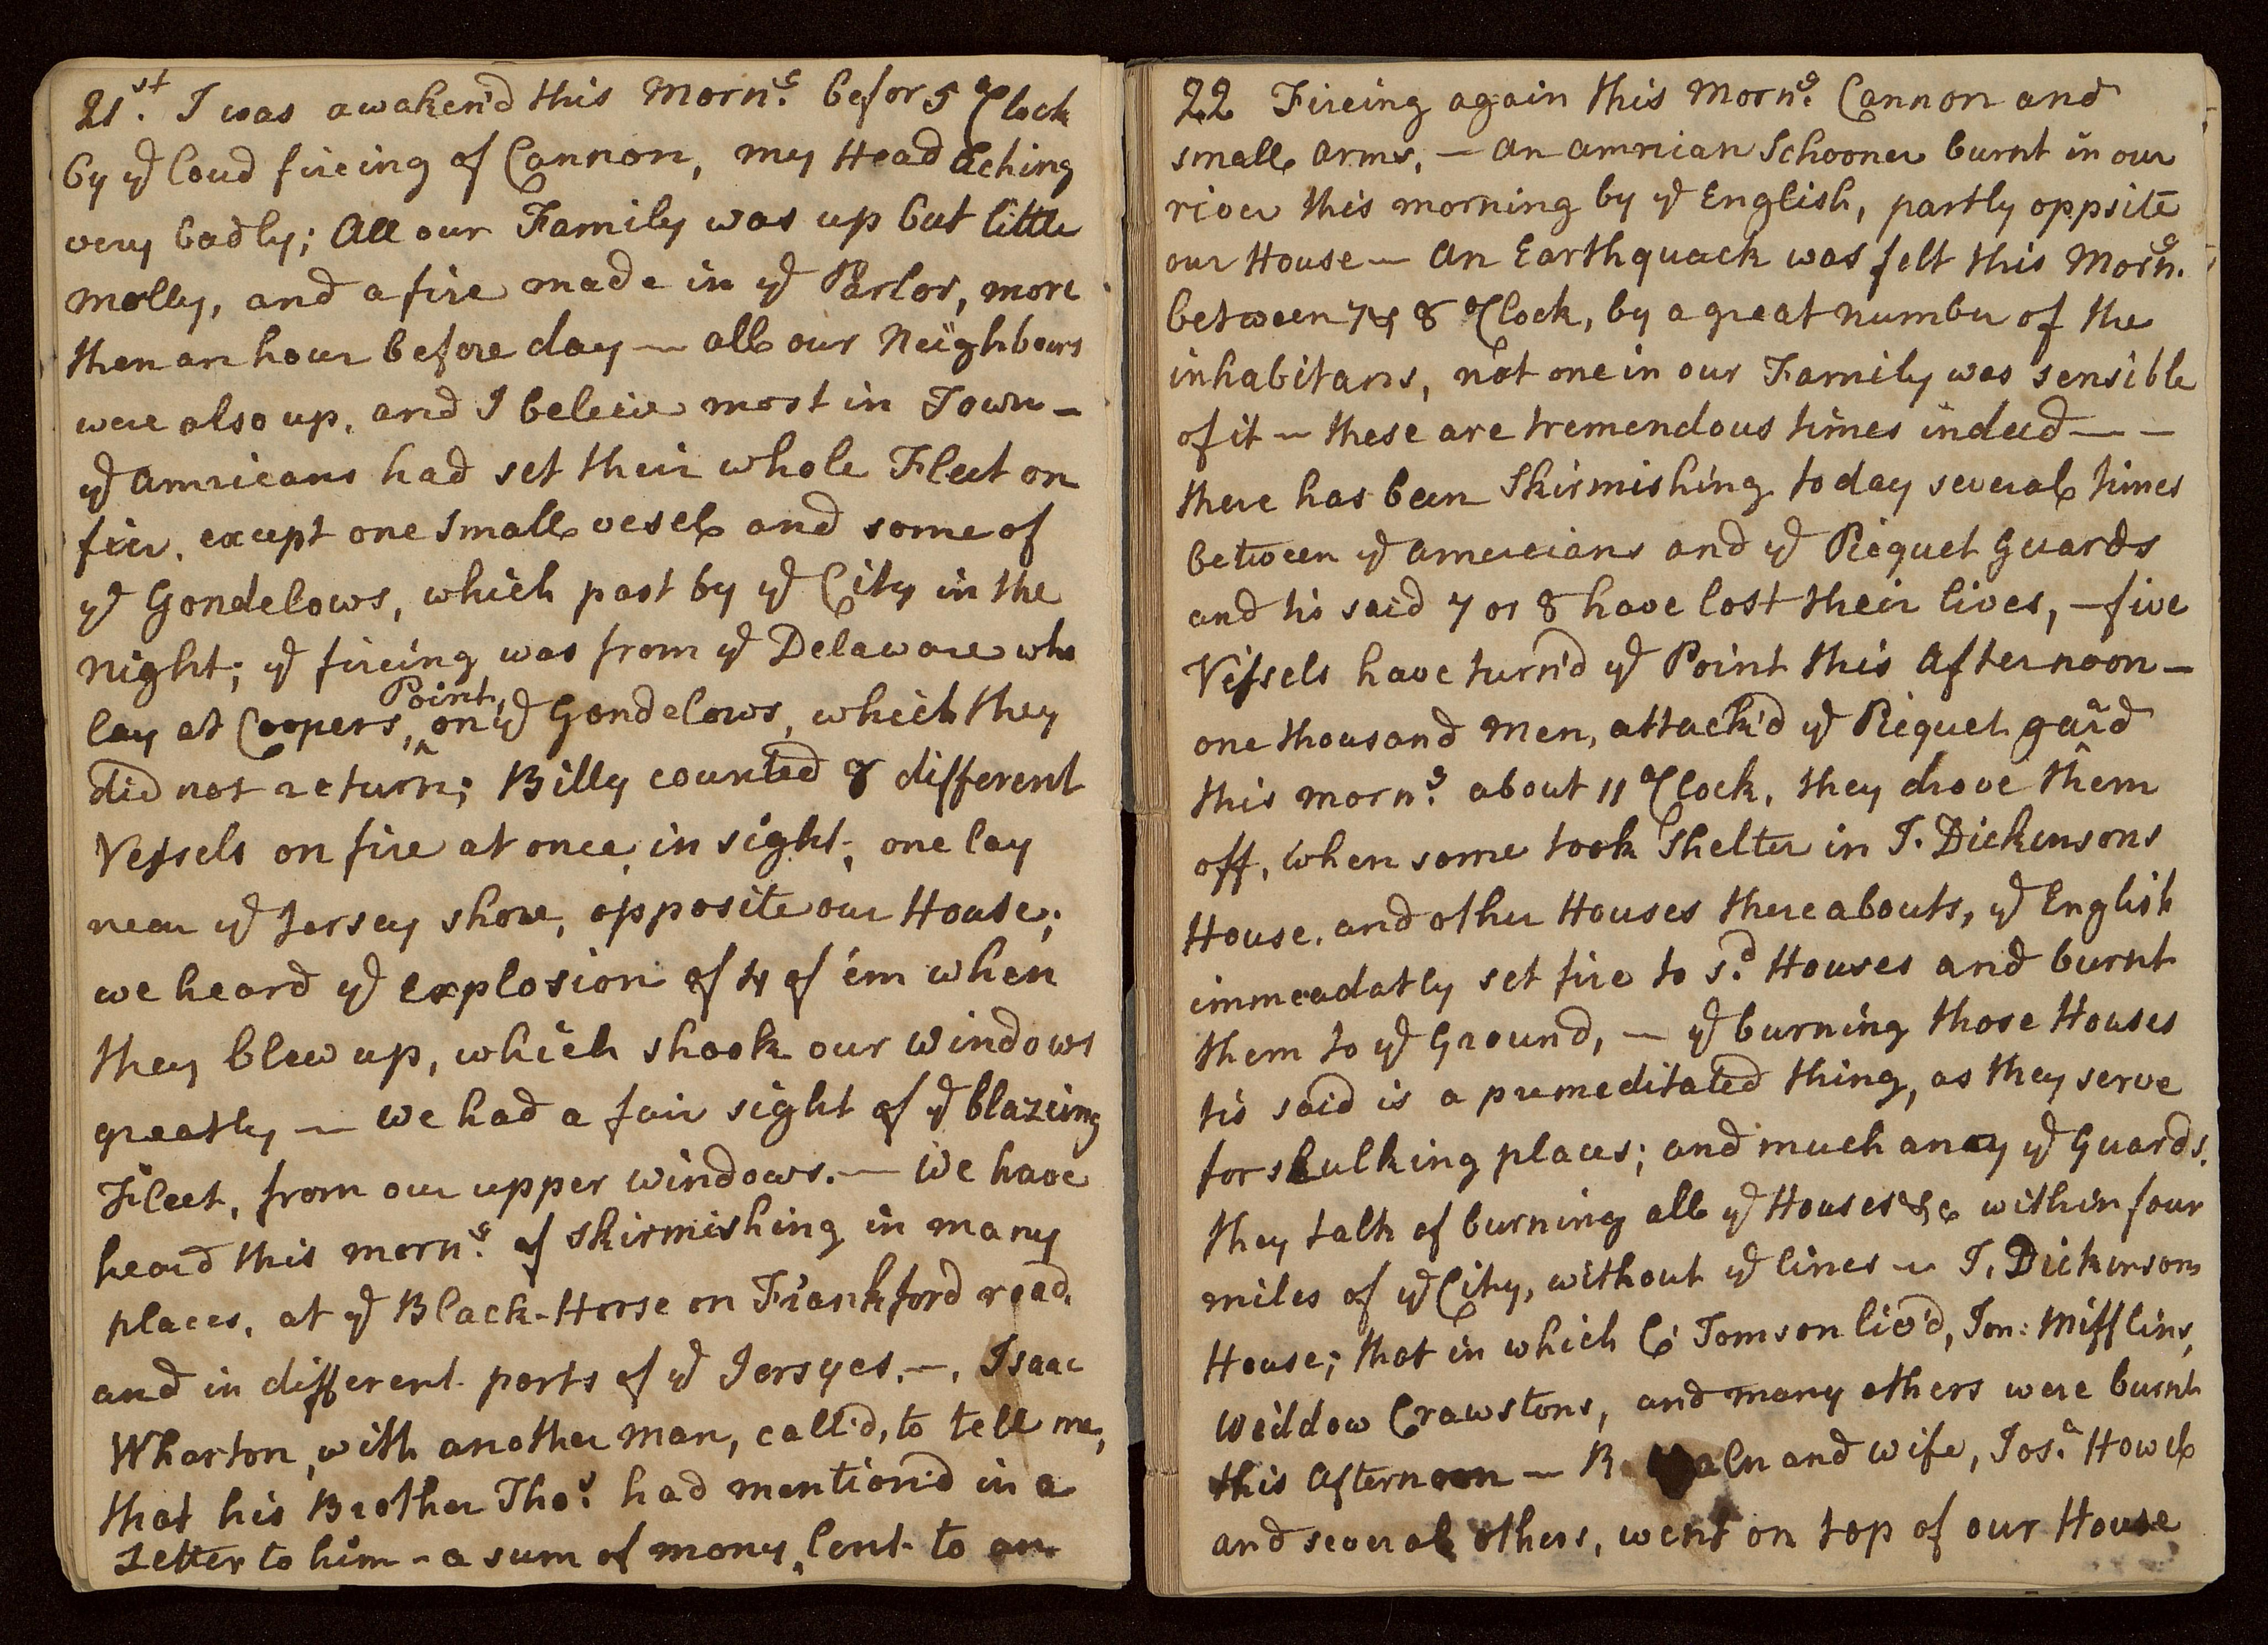21^st. I was awaken'd this Morn^g. befor 5 ^oClock
by y^e loud fireing of Cannon, my Head Aching
very badly; All our Family was up but little
Molly, and a fire made in y^e Parlor, more
then an hour before day- all our Neighbours
were also up, and I beleive most in Town-
y^e Amricans had set their whole Fleet on
fire, except one Small vesel and some of
y^e Gondelows, which past by y^e City in the
night; y^e fireing was from y^e Delaware who
Point,
lay at Coopers, ^ on y^e Gondelows, which they
did not return; Billy counted 8 different
Vessels on fire at once in sight, one lay
near y^e Jersey shore, opposite our House;
we heard y^e explosion of 4 of 'em when
they blew up, which shook our windows
greatly- we had a fair sight of y^e blazeing
Fleet, from our upper windows.- We have
heard this morn^g. of skirmishing in many
places, at y^e Black-Horse on Frankford road,
and in different ports of y^e Jersyes,-, Isaac
Wharton, with another man, call'd, to tell me,
that his Brother Tho^s. had mention'd in a
Letter to him- a sum of mony, lent to an
22 Fireing again this Morn^g. Cannon and
small arms,- An Amrican Schooner burnt in our
river this morning by y^e English, partly oppsite
our House- an Earthquack was felt this Morn^g.
between 7 & 8 ^oClock, by a great number of the
inhabitans, not one in our Family was sensible
of it- these are tremendous times indeed-
there has been Skirmishing to day several times
between y^e Amercians and y^e Piquet guards
and tis said 7 or 8 have lost their lives,- five
Vessels have turn'd y^e Point this after noon-
one thousand men, attack'd y^e Riquet gu^ard
this morn^g. about 11 oClock, they drove them
off, when some took shelter in F. Dickensons
House, and other Houses thereabouts, y^e English
immeadatly set fire to s^d. Houses and burnt
them to y^e Ground,- y^e burning those Houses
tis said is a premeditated thing, as they serve
for skulking places; and much anoy? y^e Guards.
they talk of burning all y^e Houses &c with in four
miles of y^e City, without y^e lines - S. Dickensons
House; that in which C. Tomson liv'd, Tm: Mifflins,
Widdow Crawstons, and many others were burnt
this Afternoon- R [W]aln and Wife, Jos^a. Howel
and several others, went on top of our House